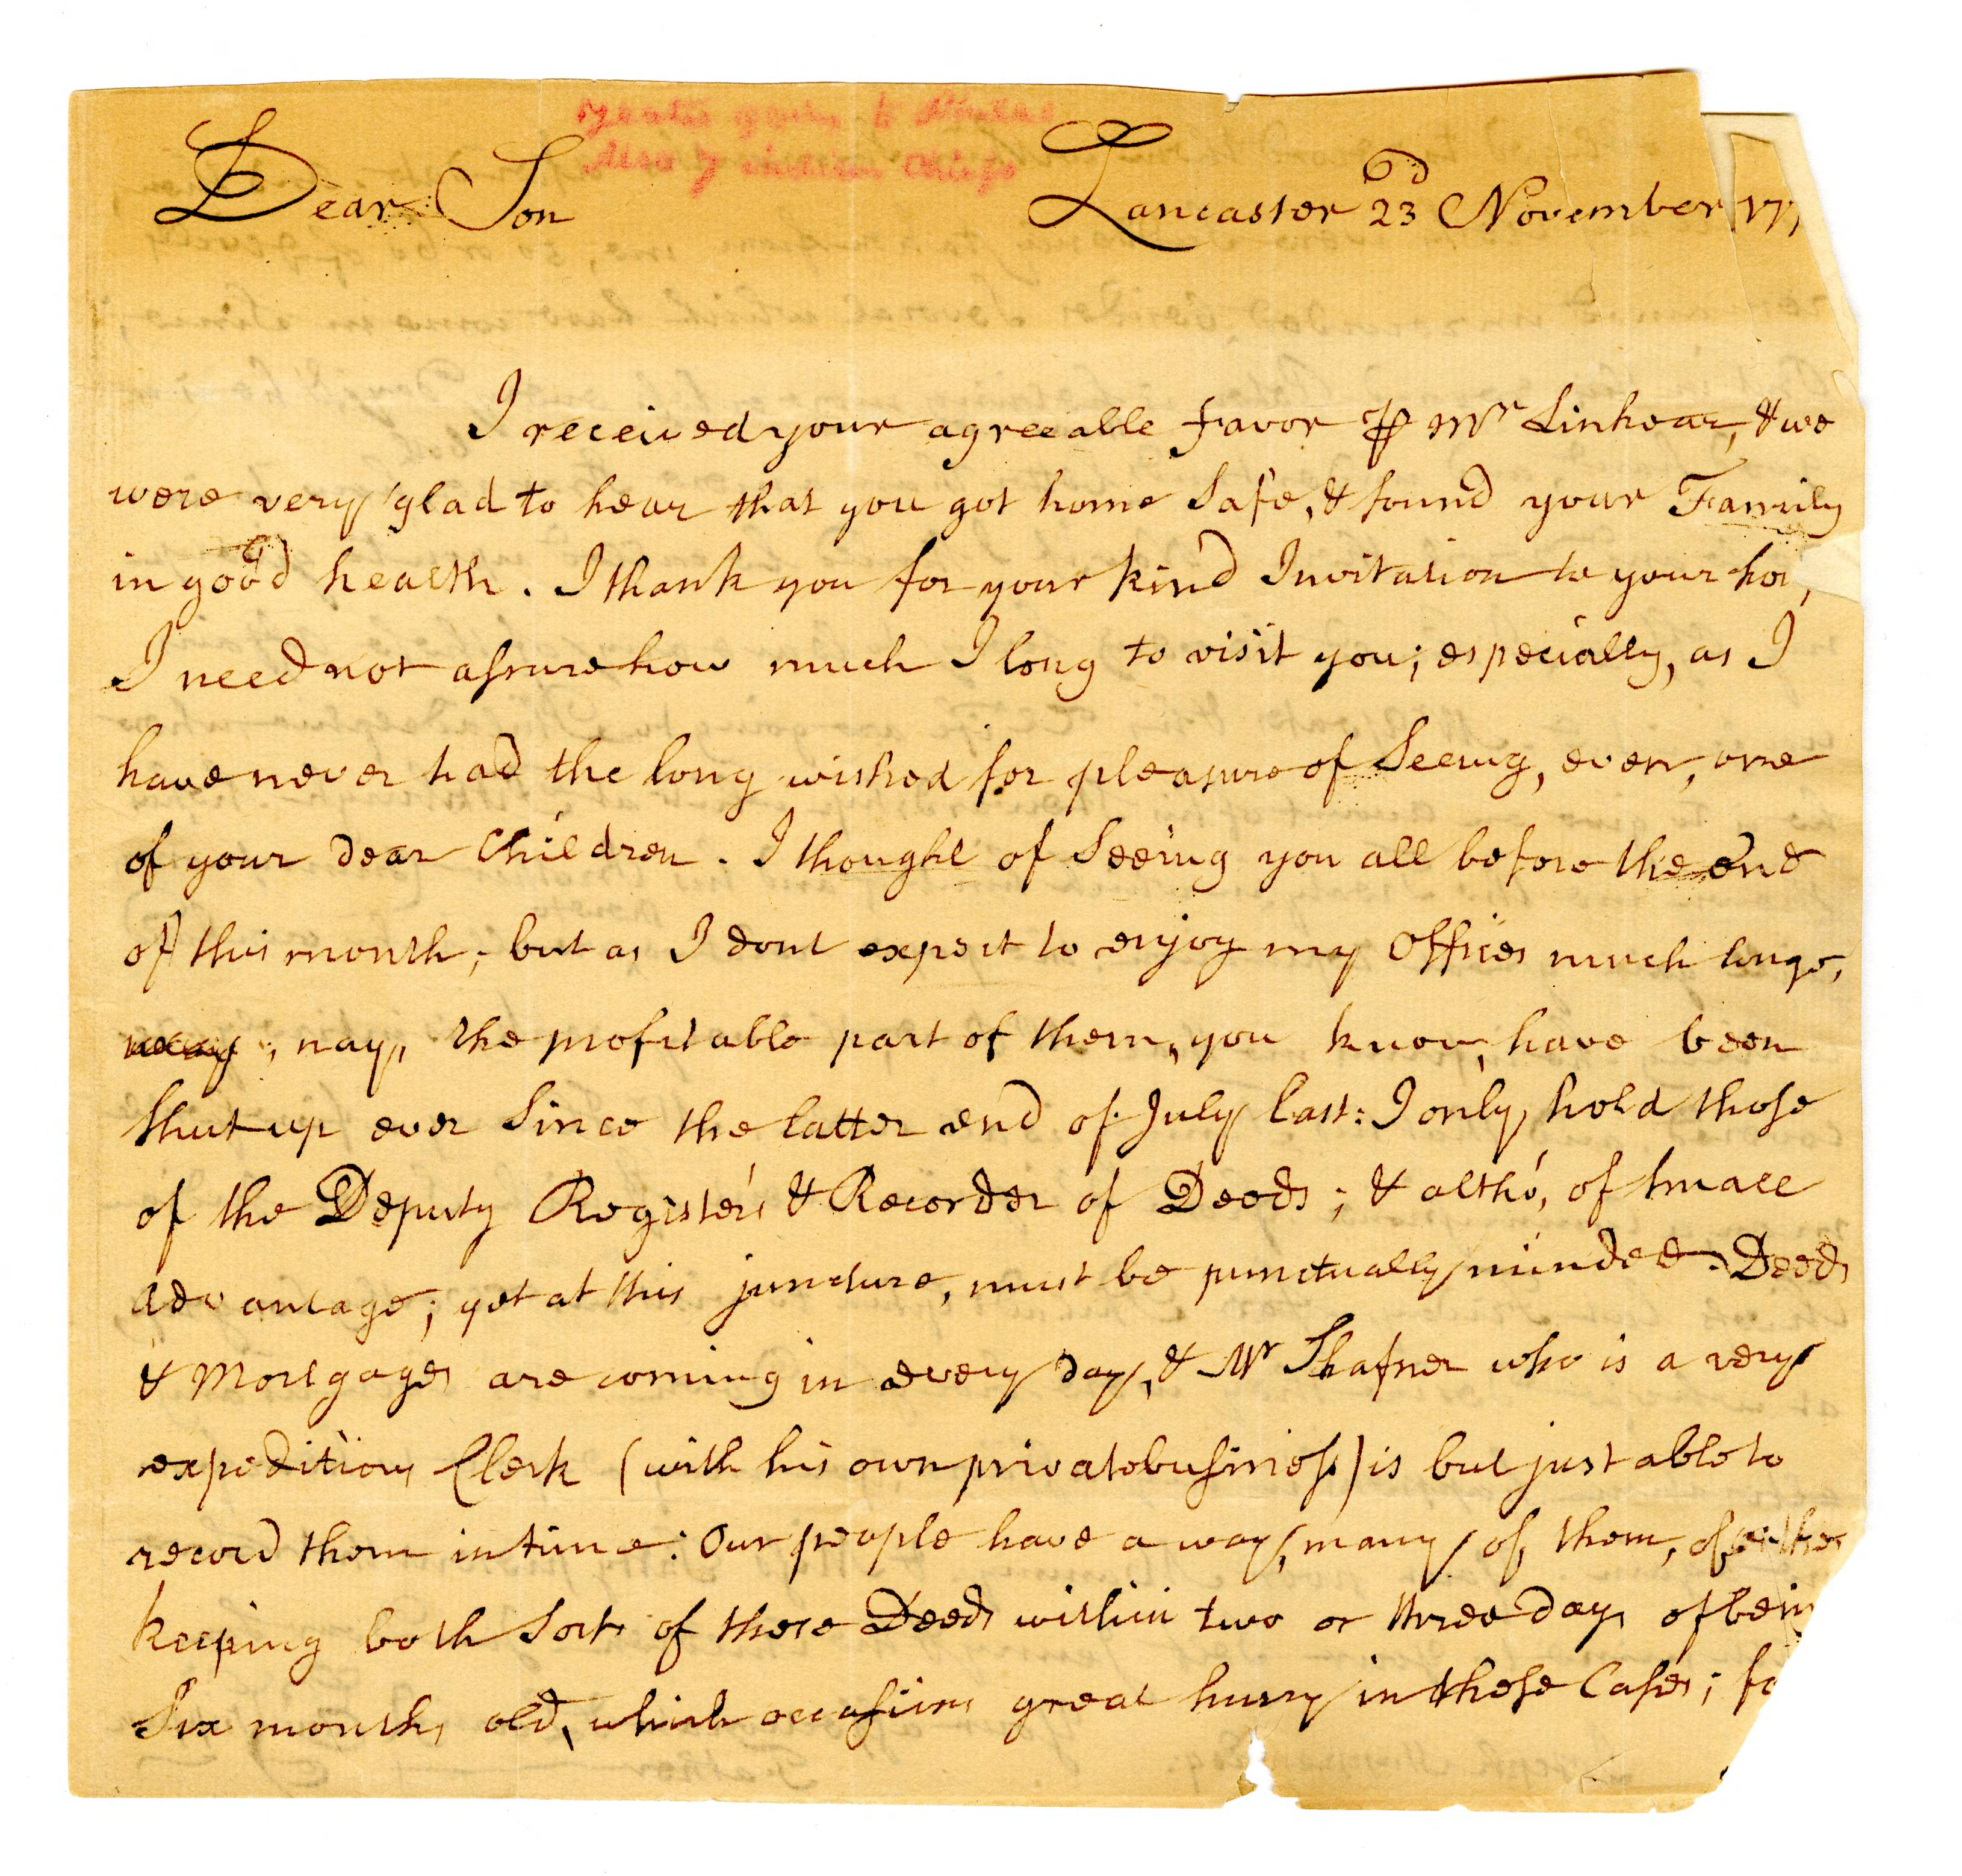Lancaster 23^d November 1777
Dear Son
I received your agreeable favor per M^r Linhear, & we
were very glad to hear that you got home Safe, & found your Family
in good health. I thank you for your kind Invitation to your ho[__]
I need not assure how much I long to visit you; especially, as I
have never had the long wished for pleasure of seeing, even, one
of your dear Children. I thought of seeing you all before the end
of this month; but as I dont expect to enjoy my Offices much longer,
[____]; nay, the profitable part of them, you know, have been
shut up ever since the latter end of July last: I only hold those
of the Deputy Register's & Recorder of Deeds; & altho', of small
advantage; yet at this juncture, must be punctually minded. Deeds
& Mortgages are coming in every day, & M^r Shafner who is a very
expeditious Clerk (with his own private business) is but just able to
record them in time: Our people have a way, many of them, of [____]
keeping both Sort of these Deeds within two or three days of being
six months old, which occasions great hurry in those Cases; f[_]